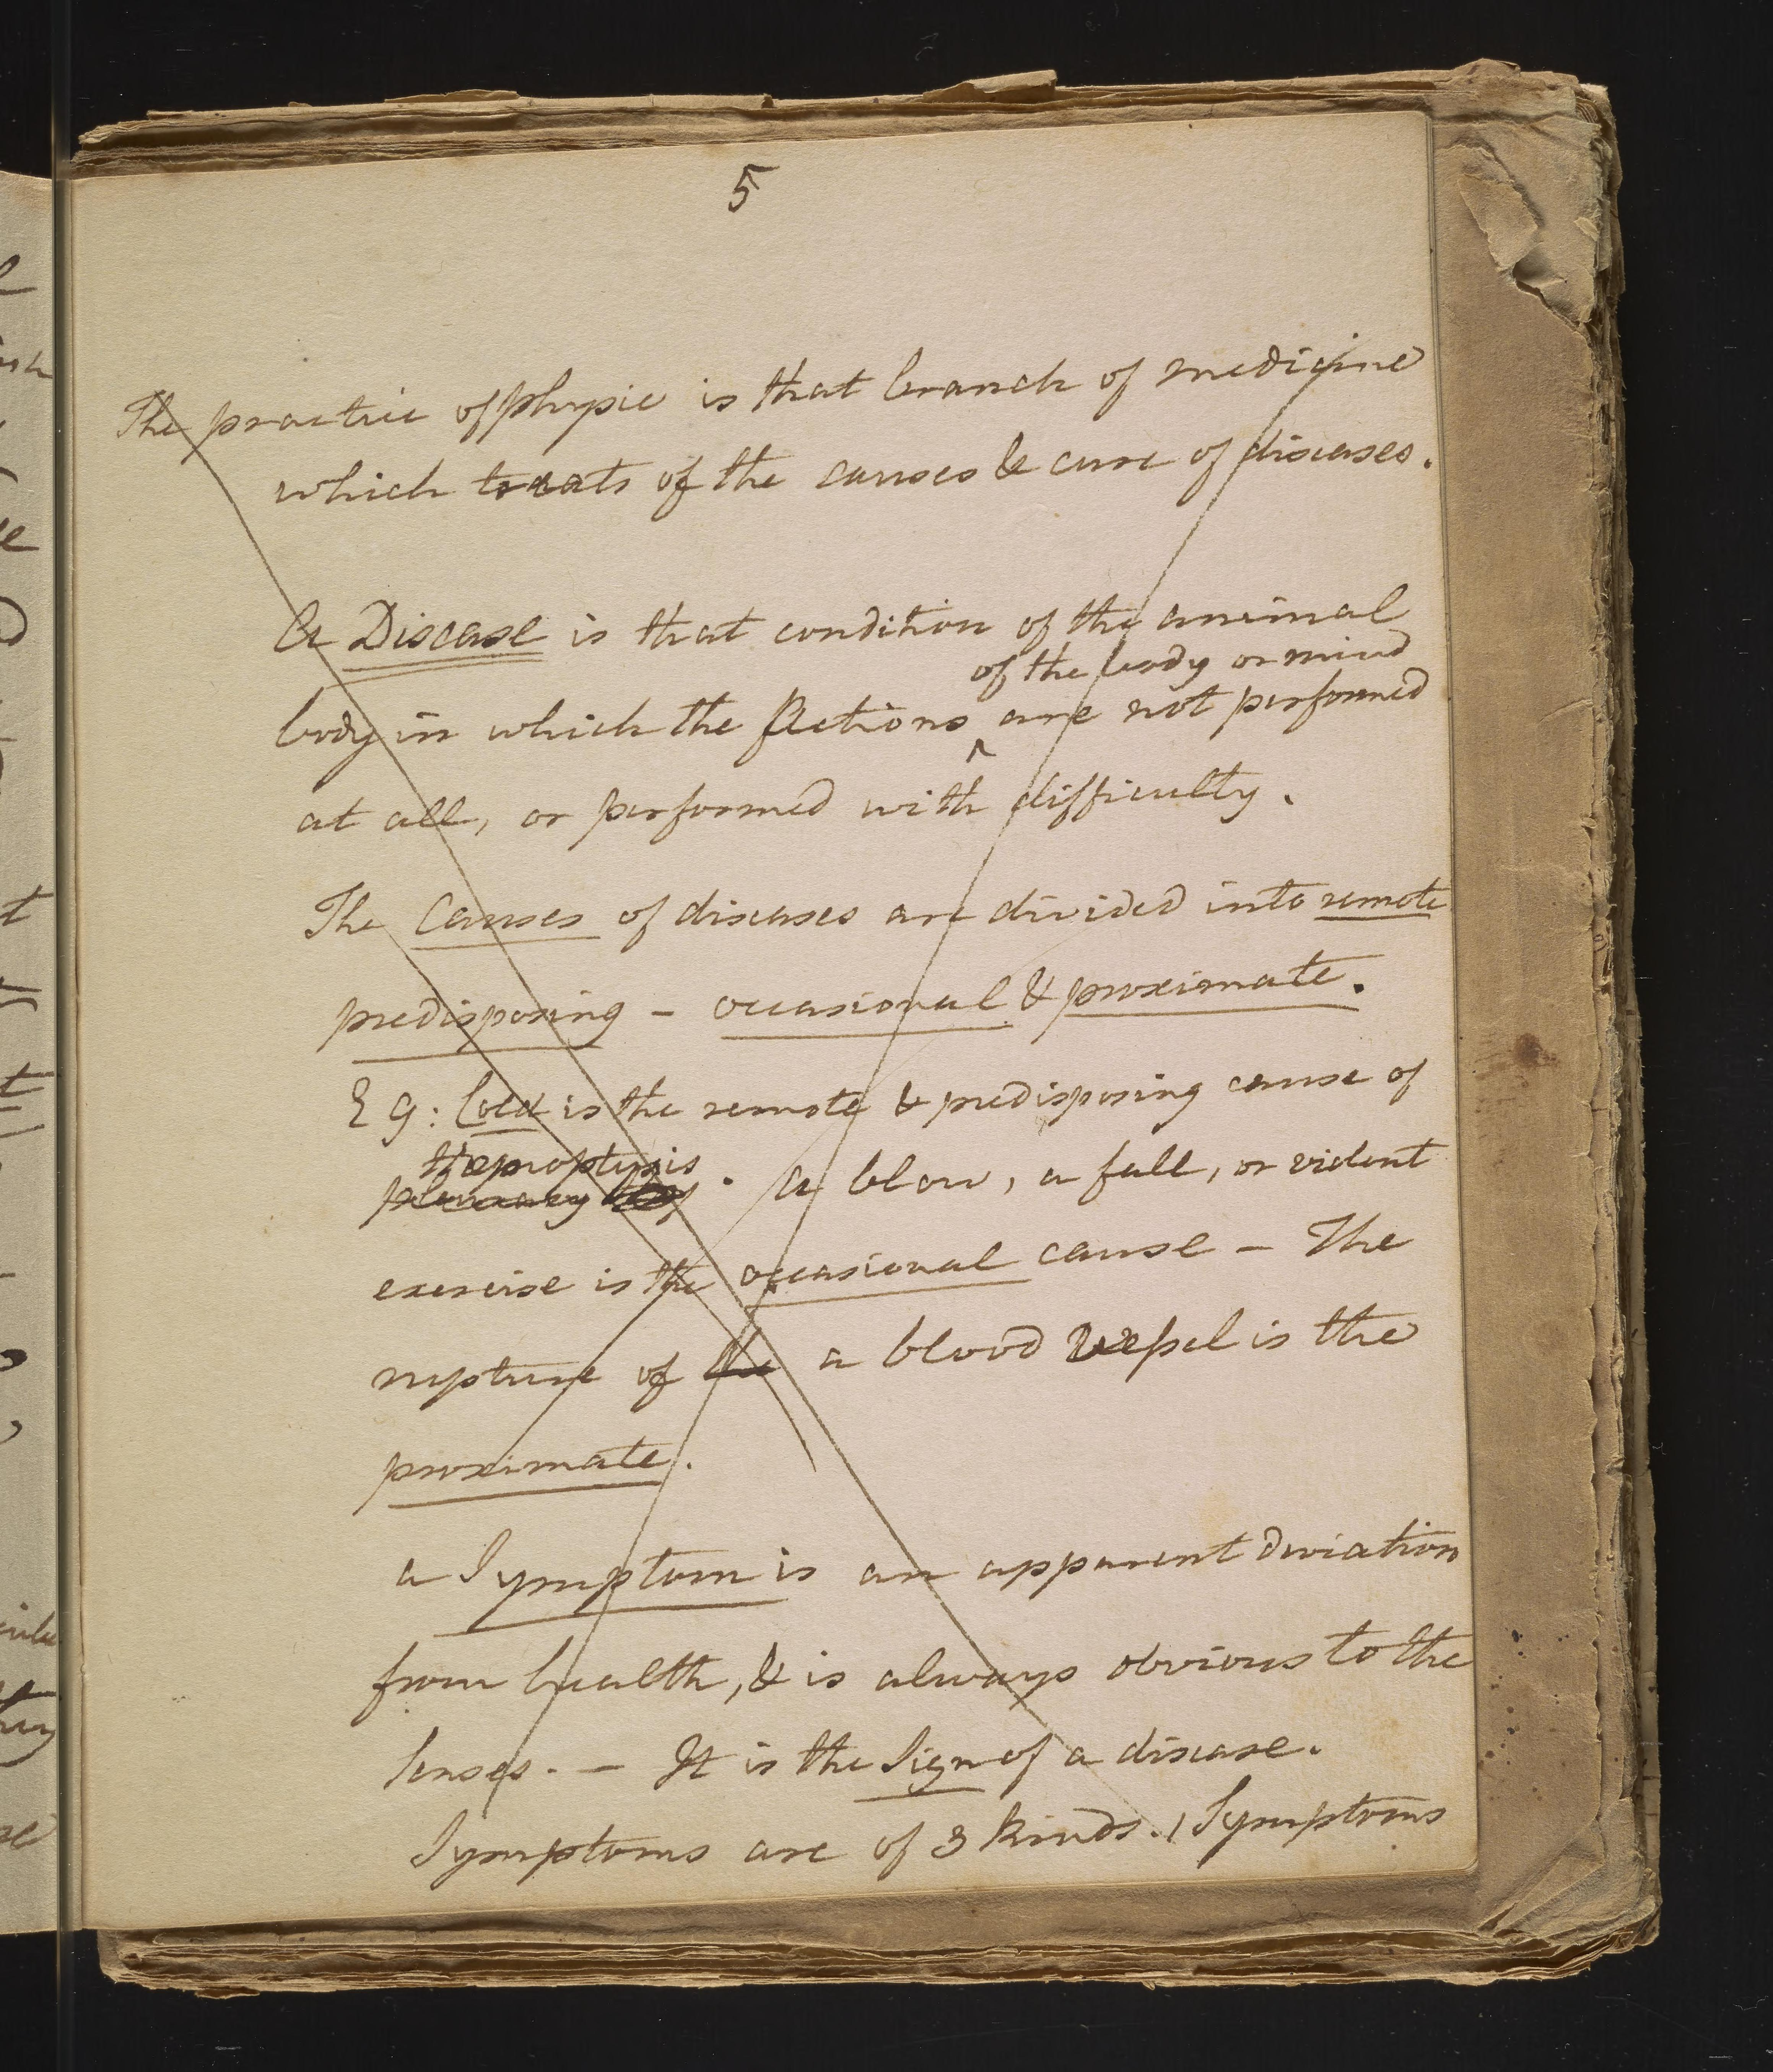The practice of physic is that branch of medicine
which treats of the causes and cure of diseases.
A Disease is that condition of the animal
of the body or mind
body in which the Actions ^ are not performed
at all, or performed with difficulty.
The causes of diseases are divided into remote,
predisposing- occasional & proximate.
E.g: Cold is the remote & predisposing cause of
Heproptisis
[pleurasy] [____]. A blow, a fall, or violent
exercise is the occasional cause. The
rupture of [the] a blood vessel is the
proximate.
Symptom is an apparent deviation
from health, & is always obvious to the
senses. It is the sign of a disease.
Symptoms are of 3 kinds. Symptoms